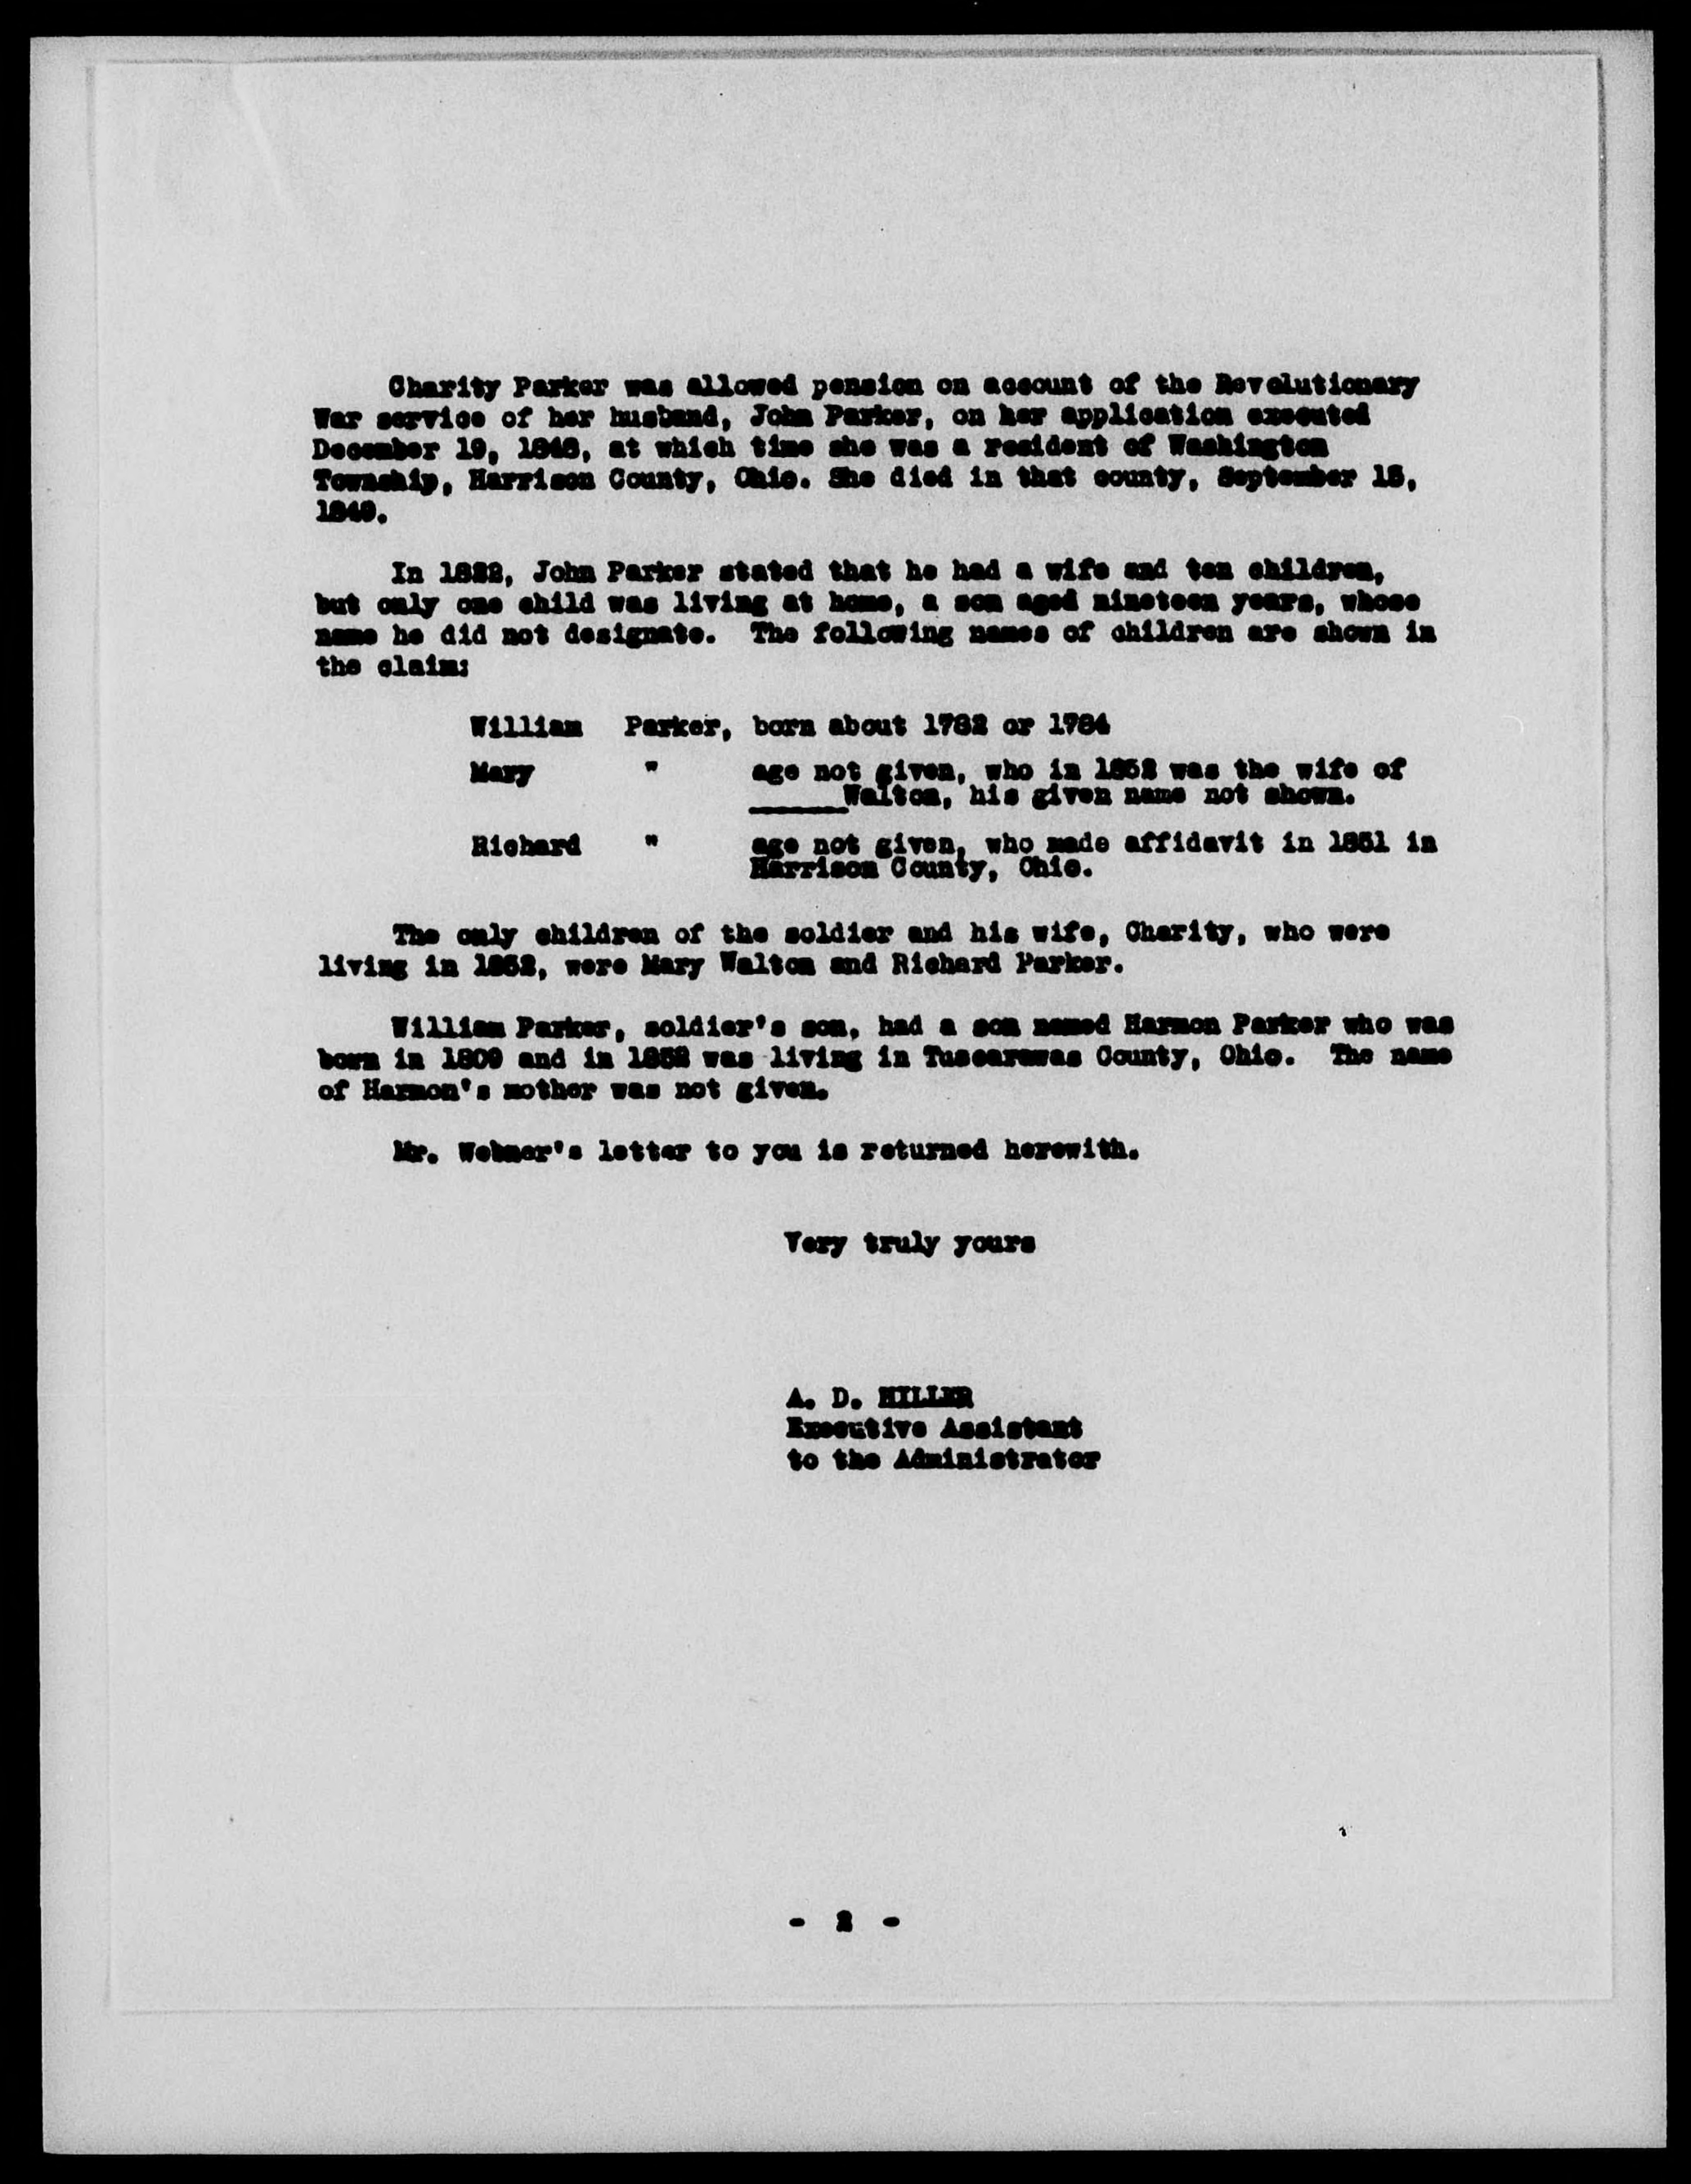Charity Parker was allowed pension on account of the Revolutionary War services of her husband, John Parker, on her application executed December 18, 1845, at which time she was a resident of Washington Township, Harrison County, Ohio. She died in that county, September 15, 1849.

In 1822, John Parker stated that he had a wife and ten children, but only one child was living at home, a son aged nineteen years, whose name he did not designate. The following names of children are shown in the claim:

William Parker, born about 1782 or 1784
Mary  "  age not given, who in 1852 was the wife of ___ Walton, his given name not shown.
Richard  "  age not given, who made affidavit in 1851 in Harrison County, Ohio.

The only children of the soldier and his wife, Charity, who were living in 1852, were Mary Walton and Richard Parker.

William Parker, soldier's son, had a sone named Harmon Parker who was born in 1809 and in 1852 was living in Tuscarawas County, Ohio. The name of Harmon's mother was not given.

Mr. Webner's letter to you is returned herewith.

Very truly yours

A. D. HILLER
Executive Assistant
to the Administrator

- 2 -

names: Harmon Parker; Mary Parker; Charity Parker; Richard Parker; Mary Walton; A D Hiller; John Parker; William Parker; [BLANK] Webner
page: 17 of 40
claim: widow's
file: W. 3,588, for John Parker, Pennsylvania